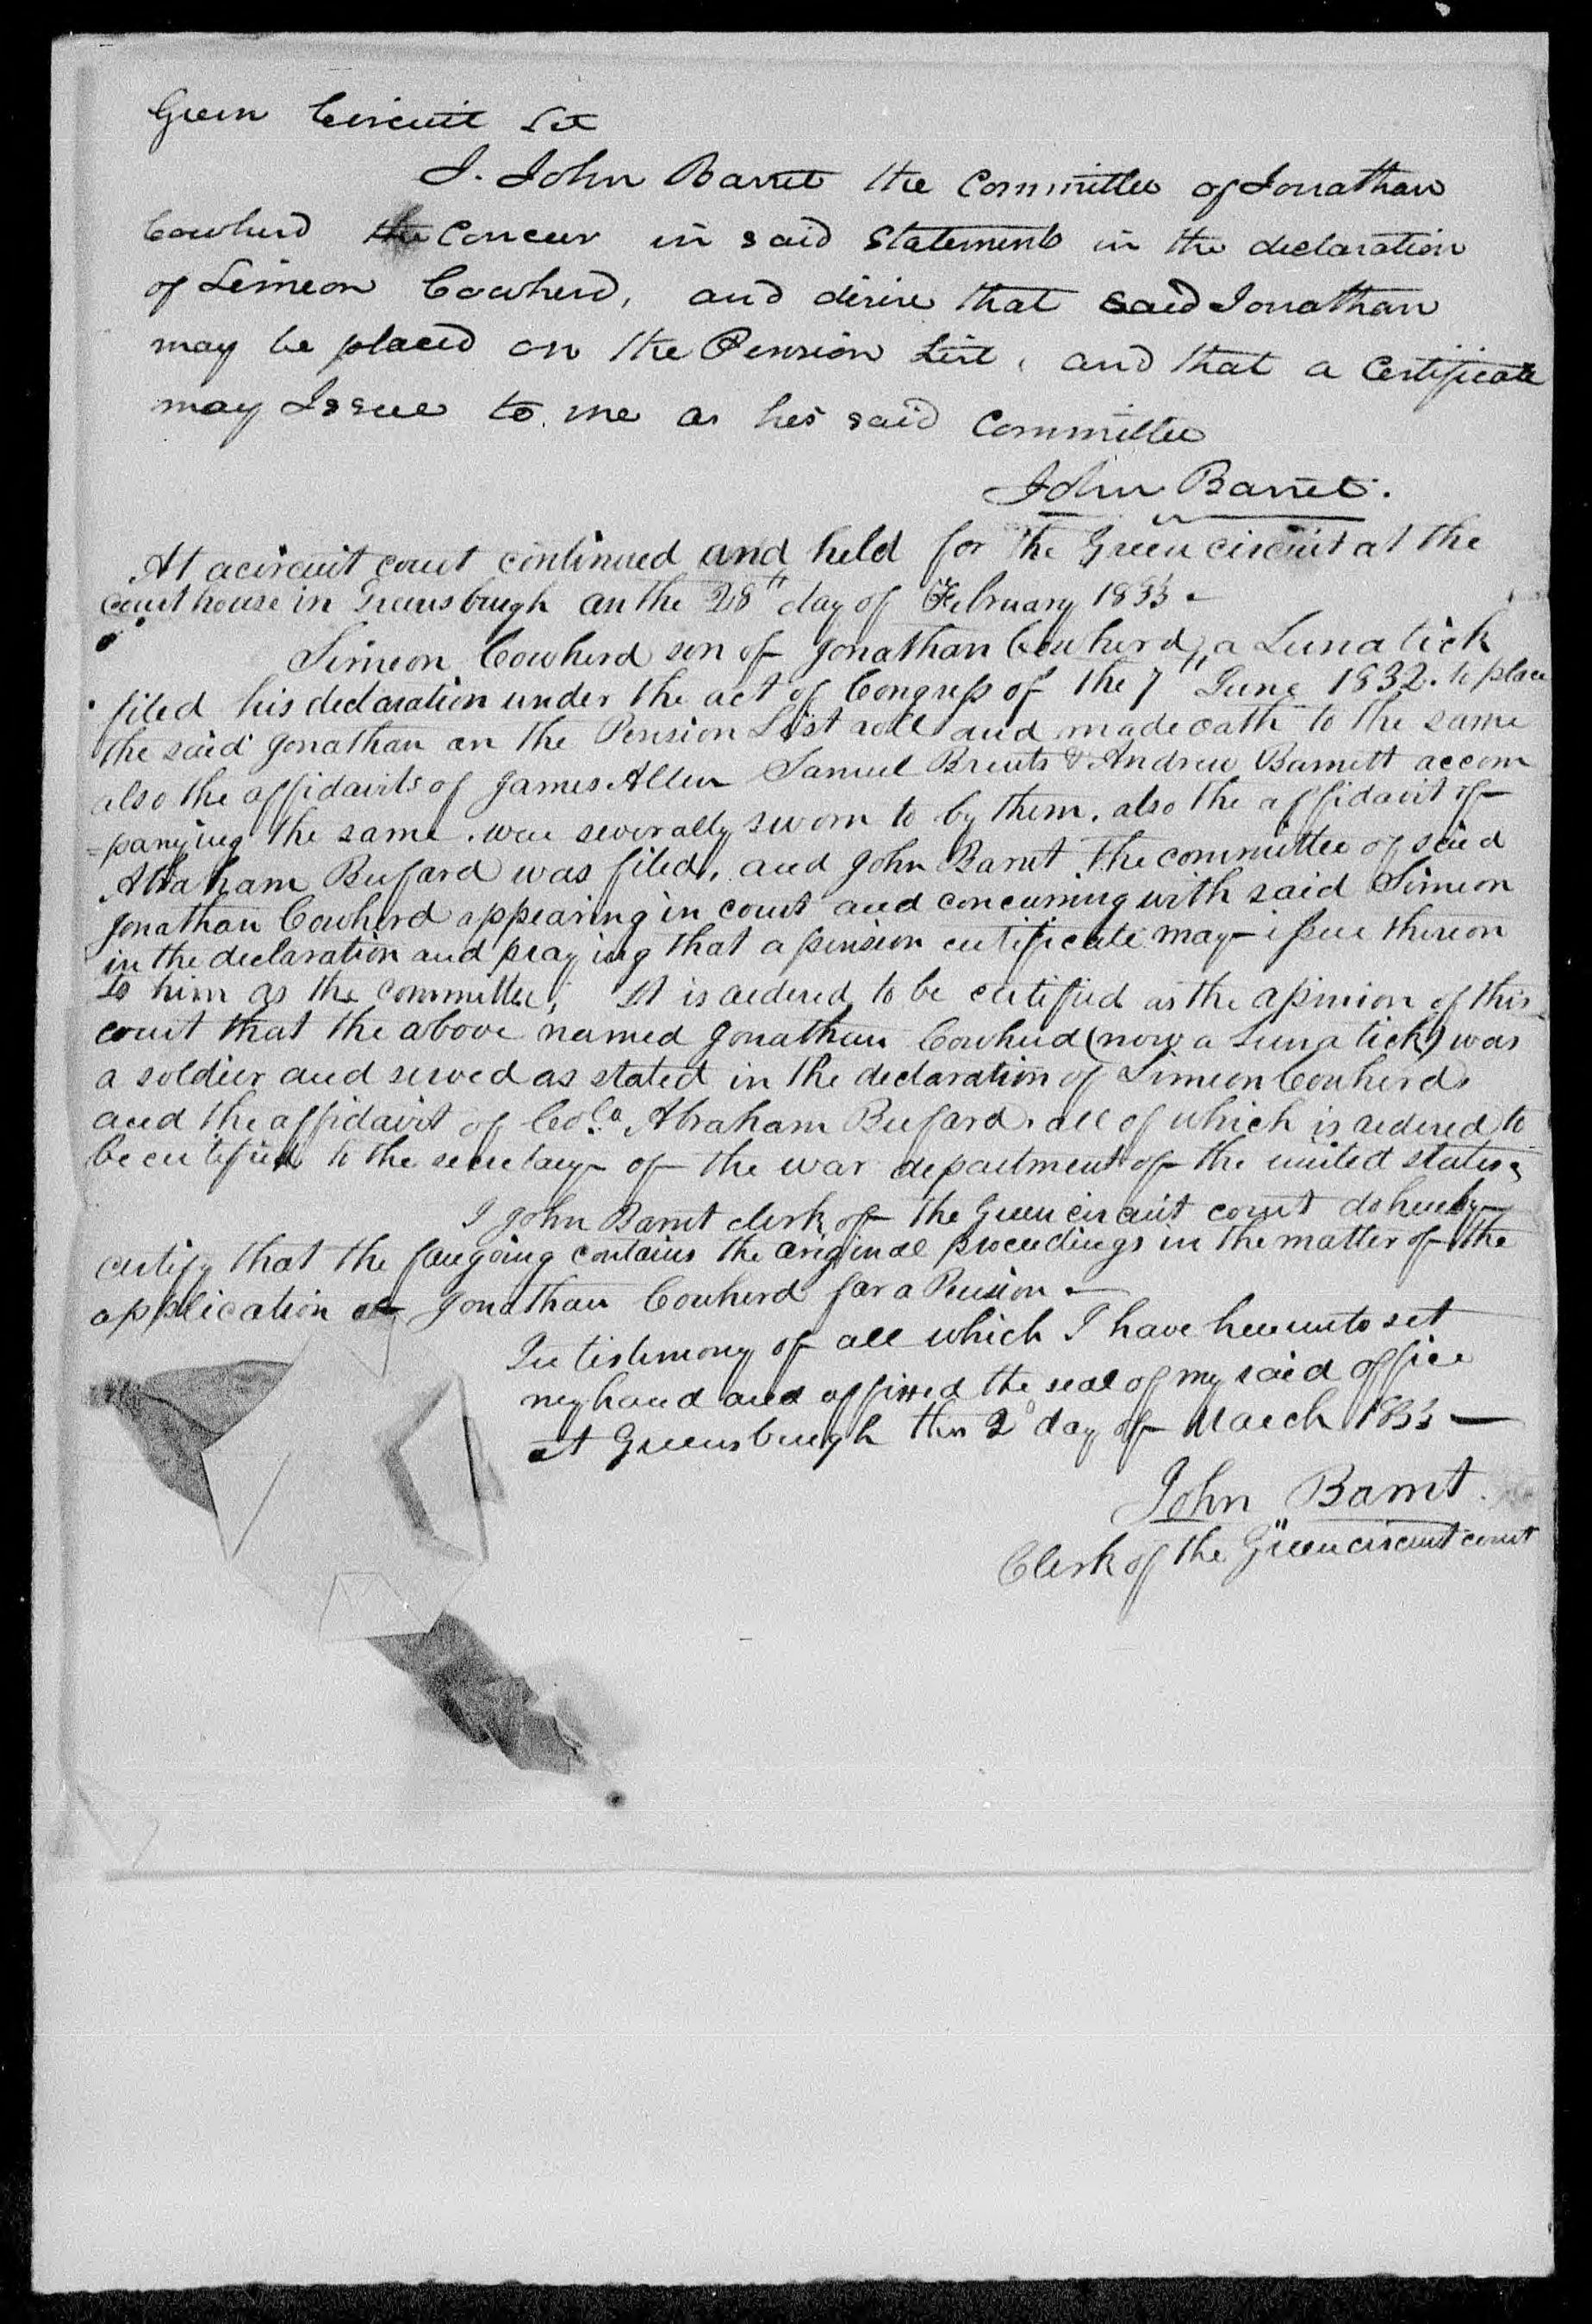Green Circuit Sct
I, John Barret the Committee of Jonathan
Cowherd concur in said statement in the declaration of Simeon Cowherd, and direct that said Jonathan may be placed on the Pension List, and that a certificate may Issue to me as his said Committee 
John Barret
At a circuit court continued and held for the Green circuit at the courthouse in 
Greensburgh on the 28th day of February 1833 Simeon Cowherd son of Jonathan Cowherd a Lunatick filed his declaration under the act of Congress of the 7th June 1832 to place the said Jonathan on the Pension List roll and made oath to the same also the affidavits of James Allen, Samuel Brents & Andrew Barnett accompanying the same were severally sworn to by them, also the affidavit of Abraham Buford was filed, and John Barnet the committee of said Jonathan Cowherd appearing in court and concurring with said Simeon in the declaration and praying that a pension certificate may issue thereon to
him as the committee, It is ordered to be certified as the opinion of this court
 that the above named Jonathan Cowherd (now a Lunatick) was a soldier and served as stated in the declaration of Simeon Cowherd
the affidavit of Col Abraham Buford, all of which is ordered to be certified to the secretary of the war department of the United States

I John Barret Clerk of the Green circuit court do hereby
certify that the foregoing contains the original proceedings in the matter of the application of Jonathan Cowherd for a Pension
In testimony of all which I have hereunto set
my hand and affixed the seal of my said office
at Greensburgh this 2nd day of March 1833-
John Barret
Clerk of the Green circuit court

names: Abraham Buford, Jonathan Cowherd, John Barret, Simeon Cowherd, John Barret, Jonathan Cowherd, Jonathan Cowherd, John Barret, Jonathan, James Allen, John Barret, John Barret, Jonathan Cowherd, Simeon, Jonathan, Simeon Cowherd, Andrew Barnett, Simeon Cowherd, Jonathan Cowherd, Samuel Brents, Abraham Buford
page: 23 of 46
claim: widow's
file: W 8619, Jonathan Cowherd, Va.